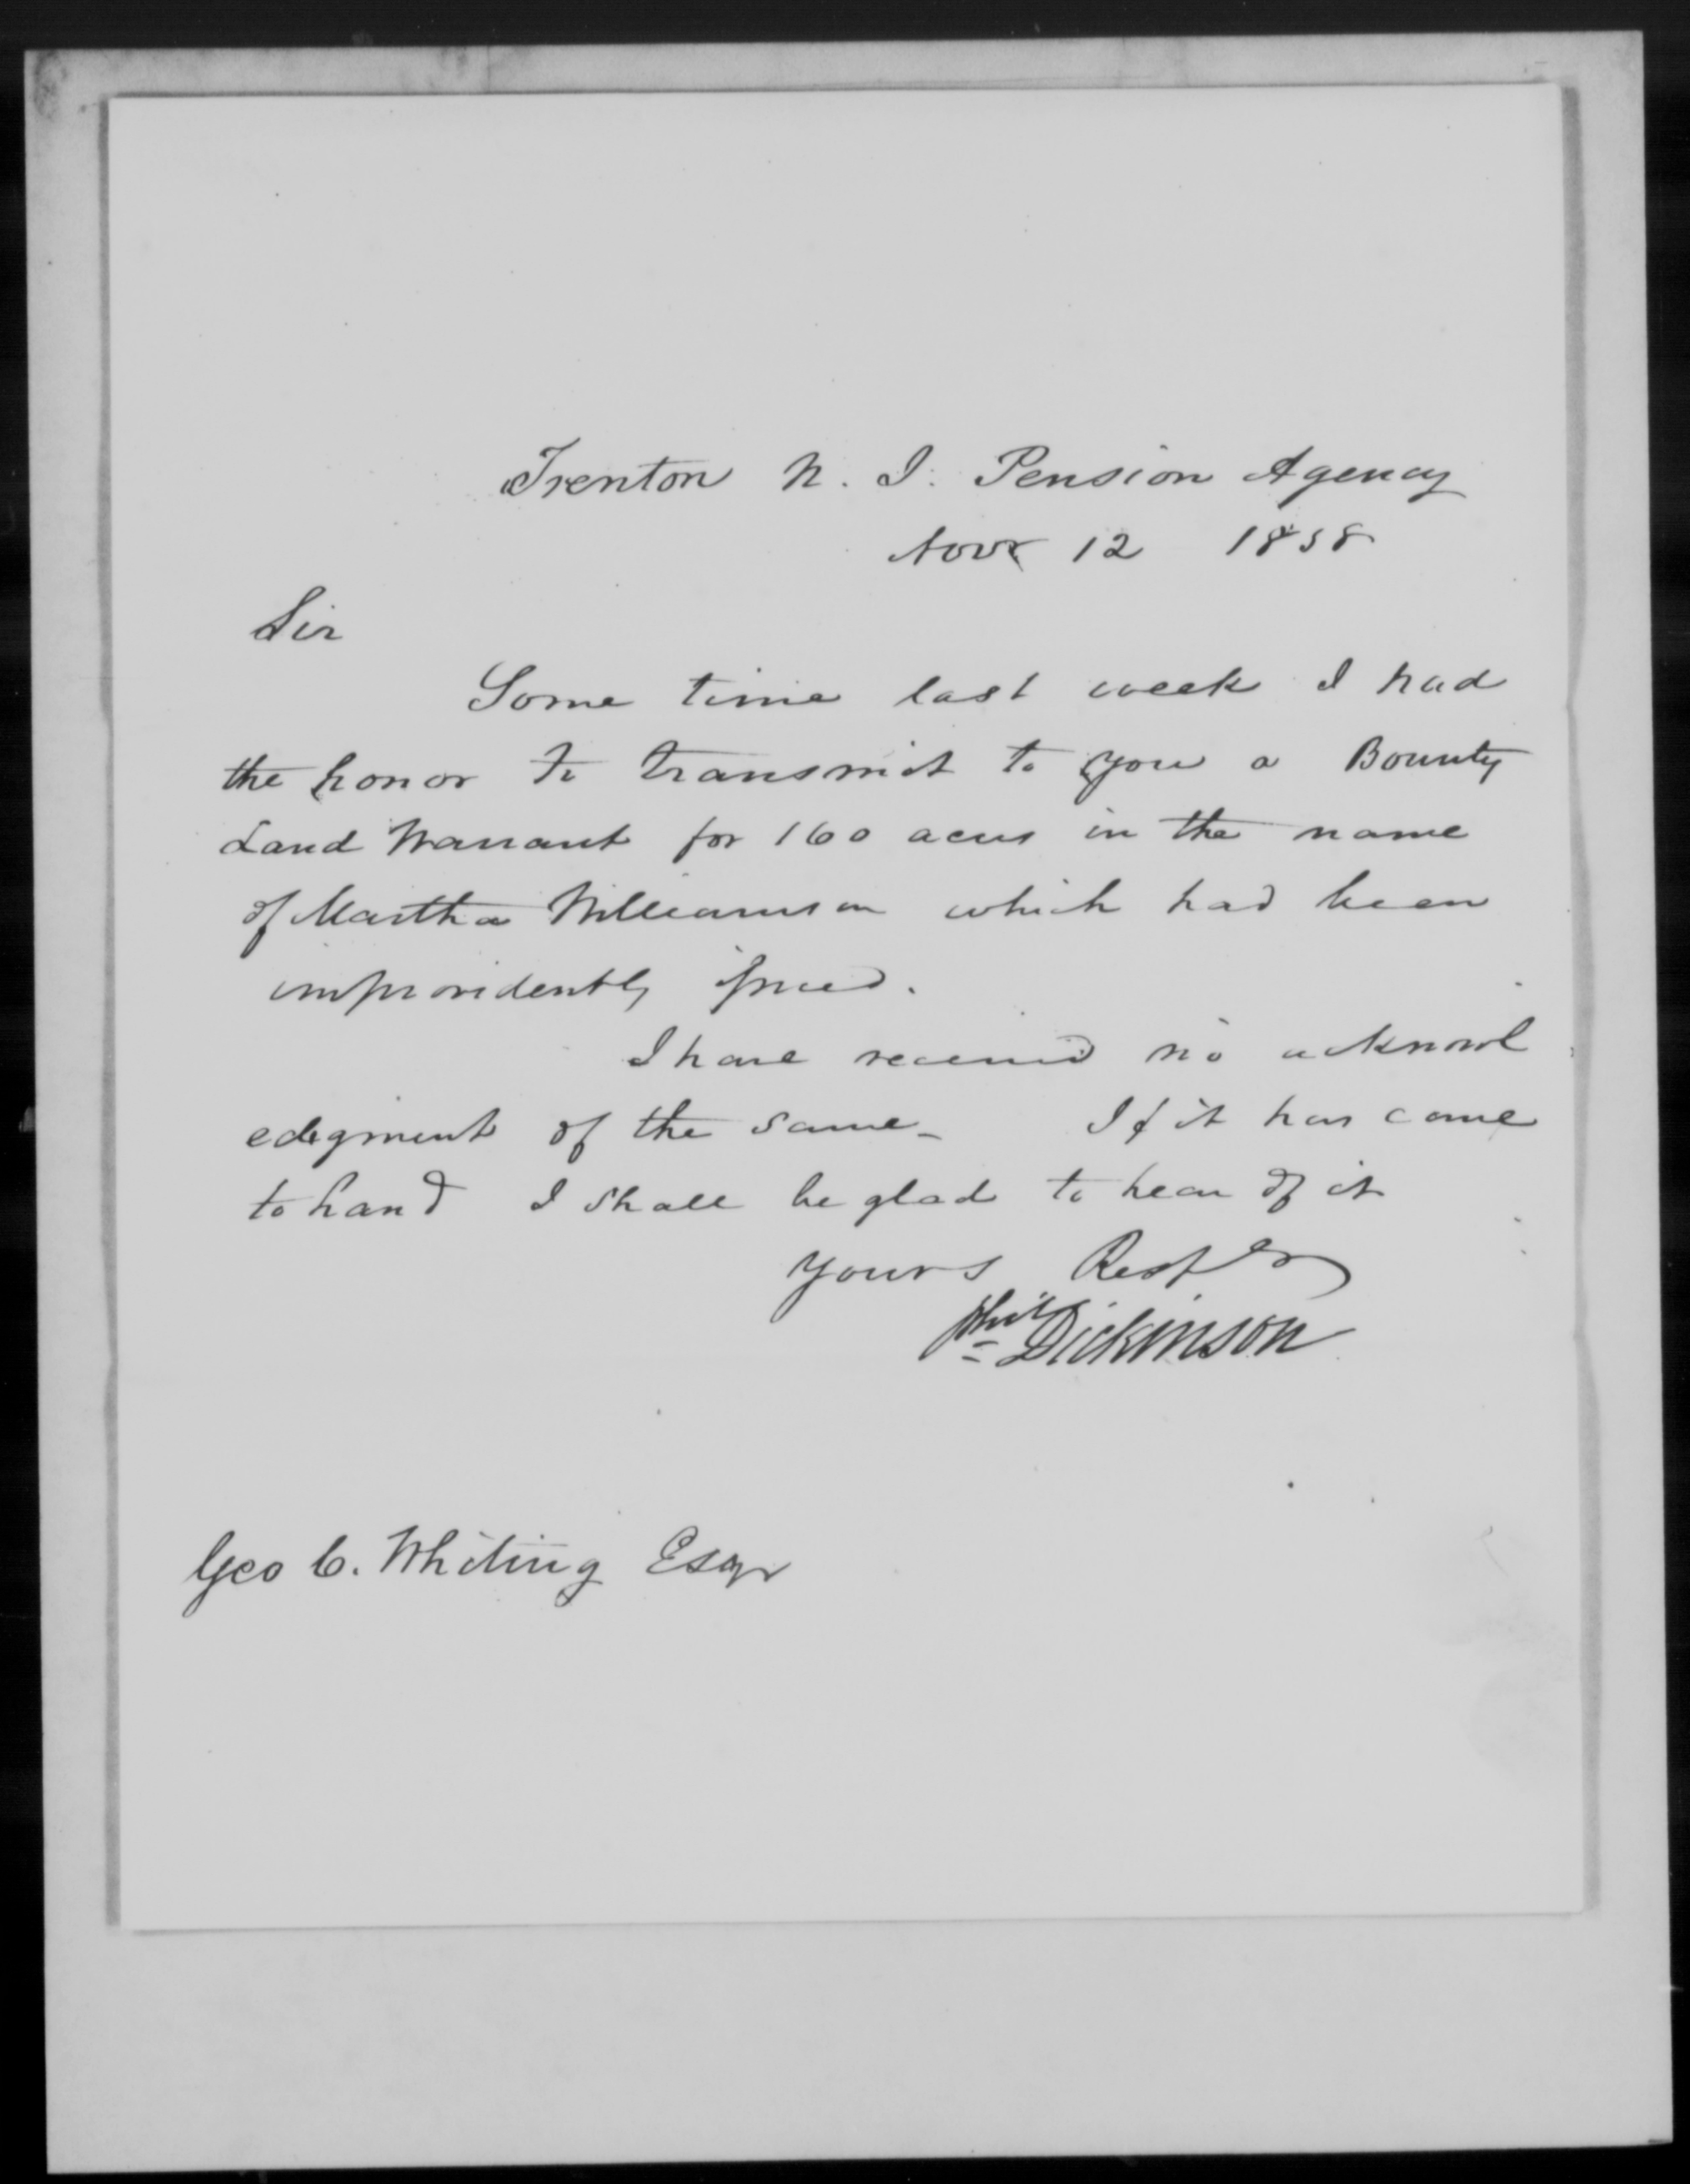Trenton N.J. Pension Agency.
Nov. 12, 1858.

Sir,

Sometime last week I had the honor to transmit to you a Bounty Land Warrant for 160 acres in the name of Martha Williamson, which had been improvidently issued.

I have received no acknowledgment of the same. If it has come to hand, I shall be glad to hear of it.

Yours resp(ectfully),
s/ Phin(eas) Dickinson

Geo C. Whiting, Esq.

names: Phil Dickinson, Martha Williamson, Geo C Whiting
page: 27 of 67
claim: widow's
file: W. 2393, Jacob Williamson, New Jersey